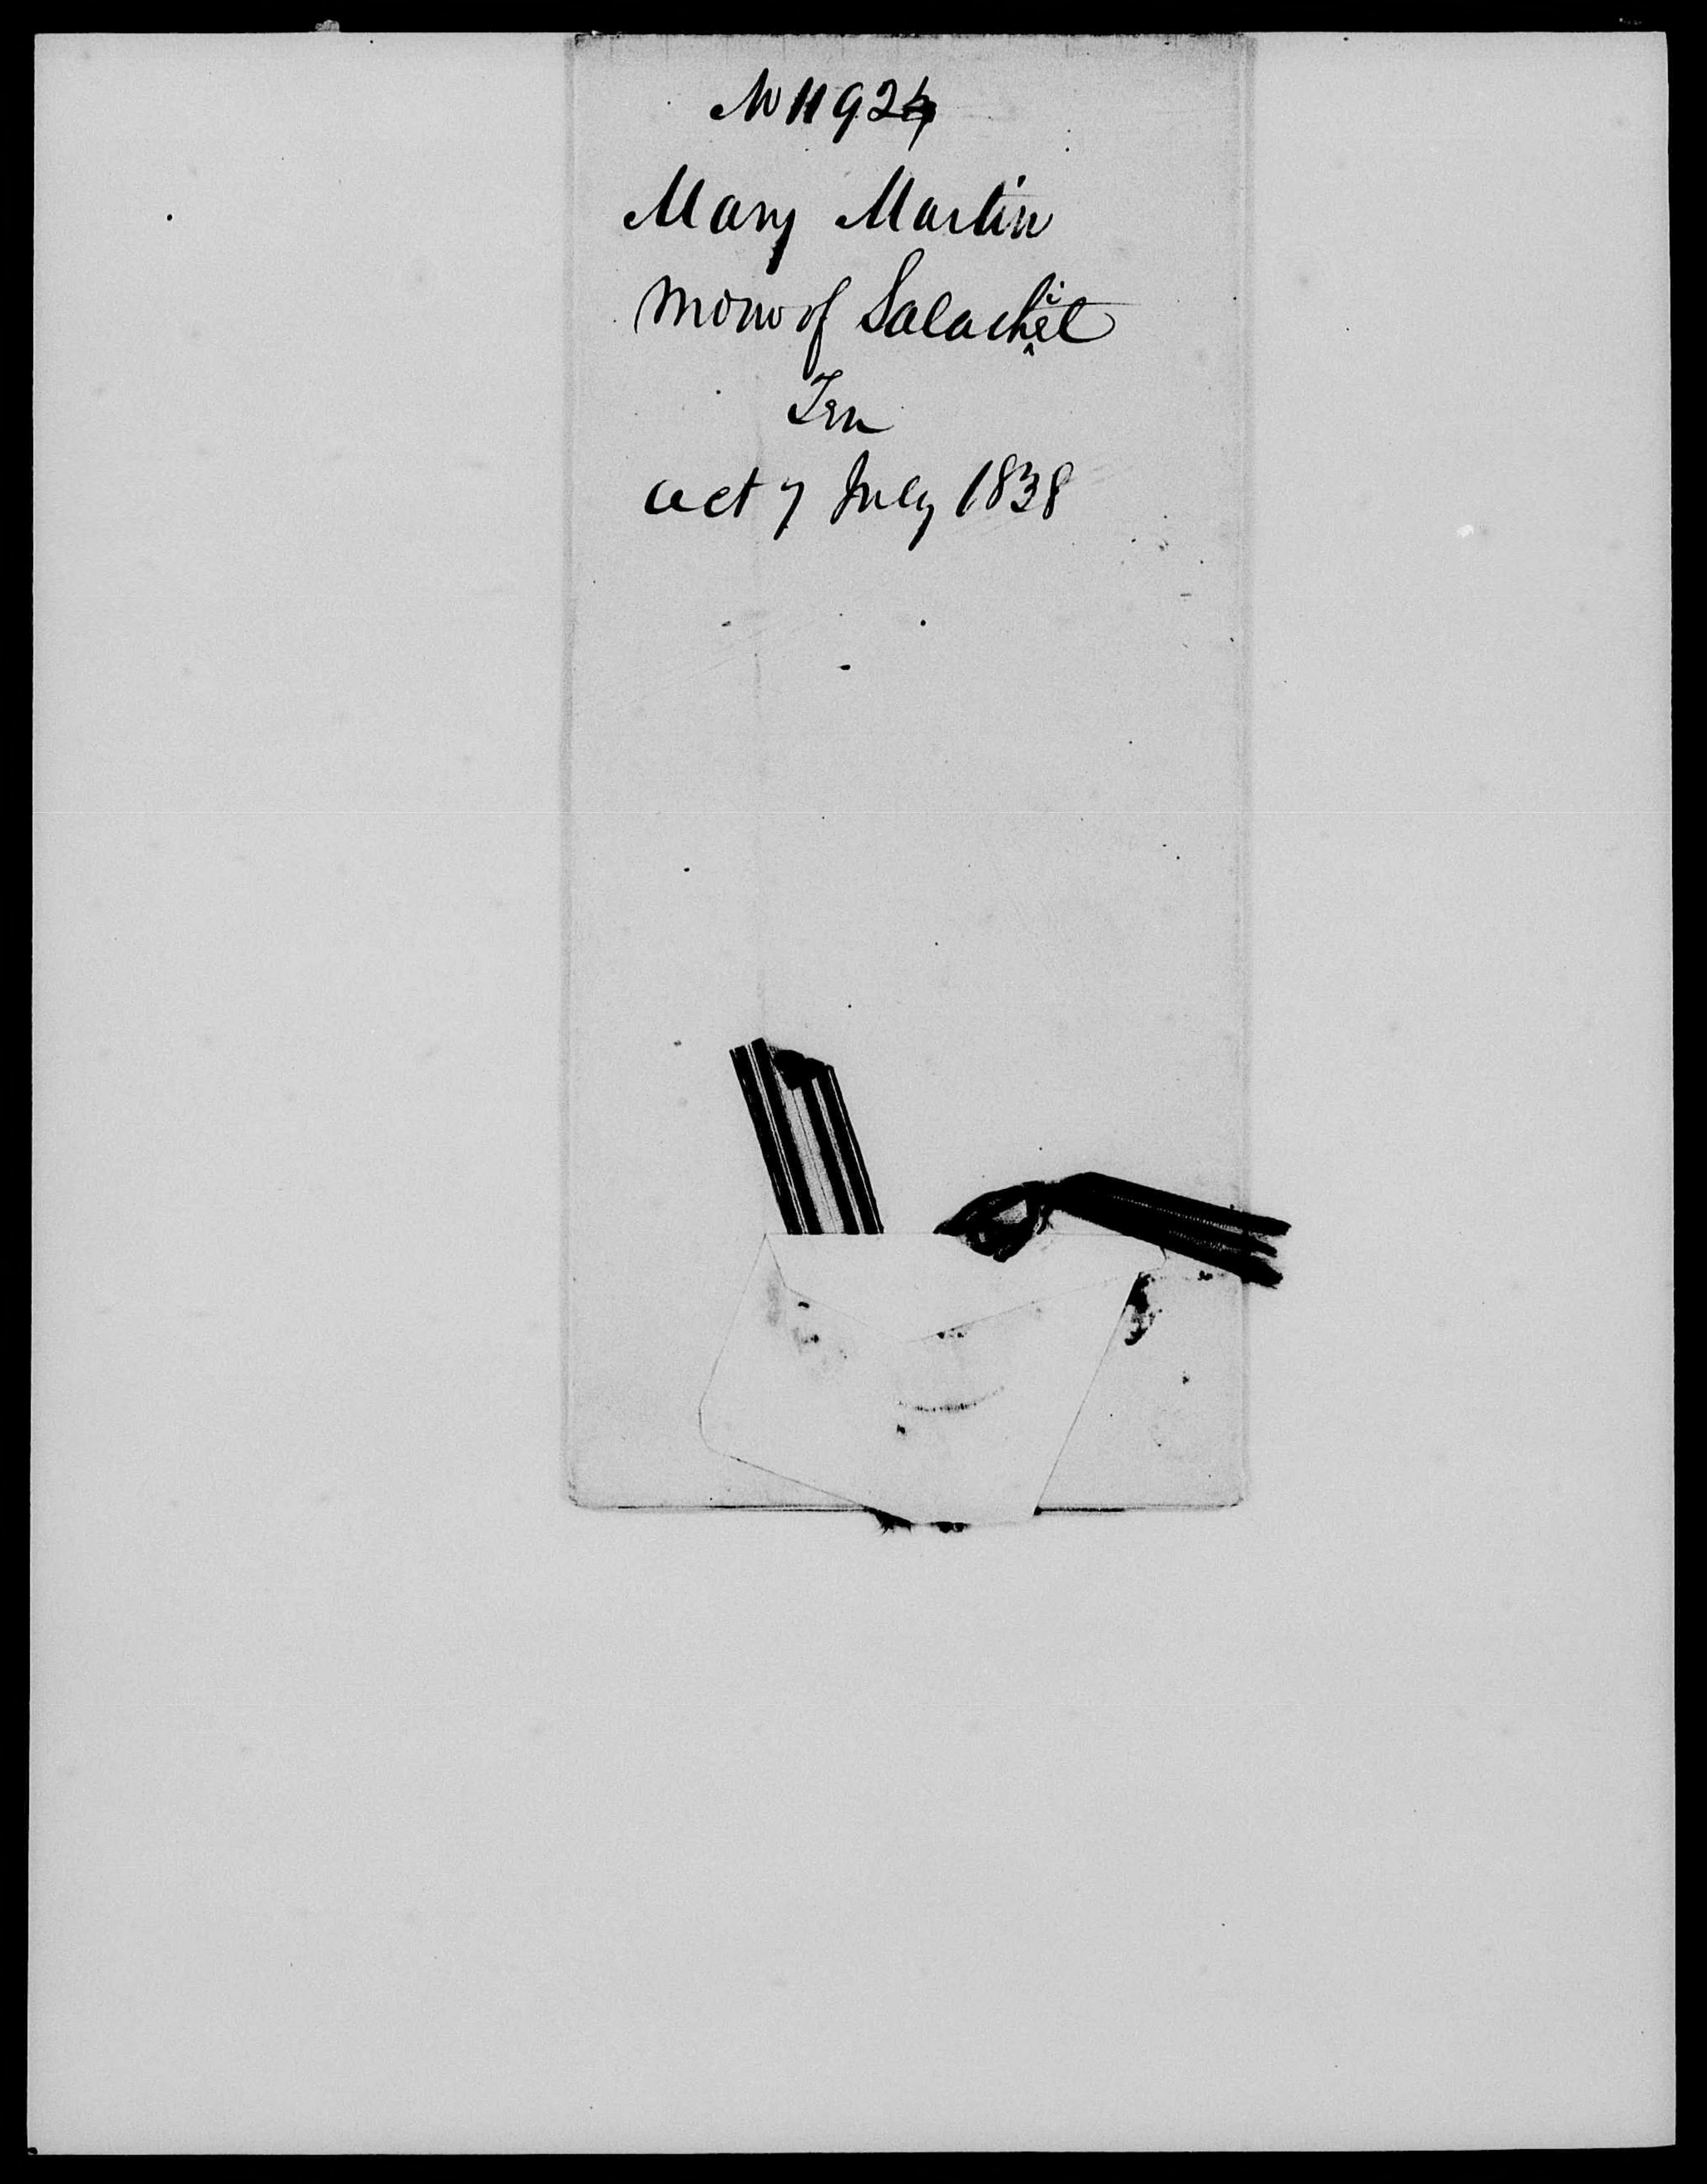W11926
Mary Martin
widow of Salathiel
Ten
act 7 July 1838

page: 88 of 120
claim: widow's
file: W. 1044, for Salathiel Martin, North Carolina